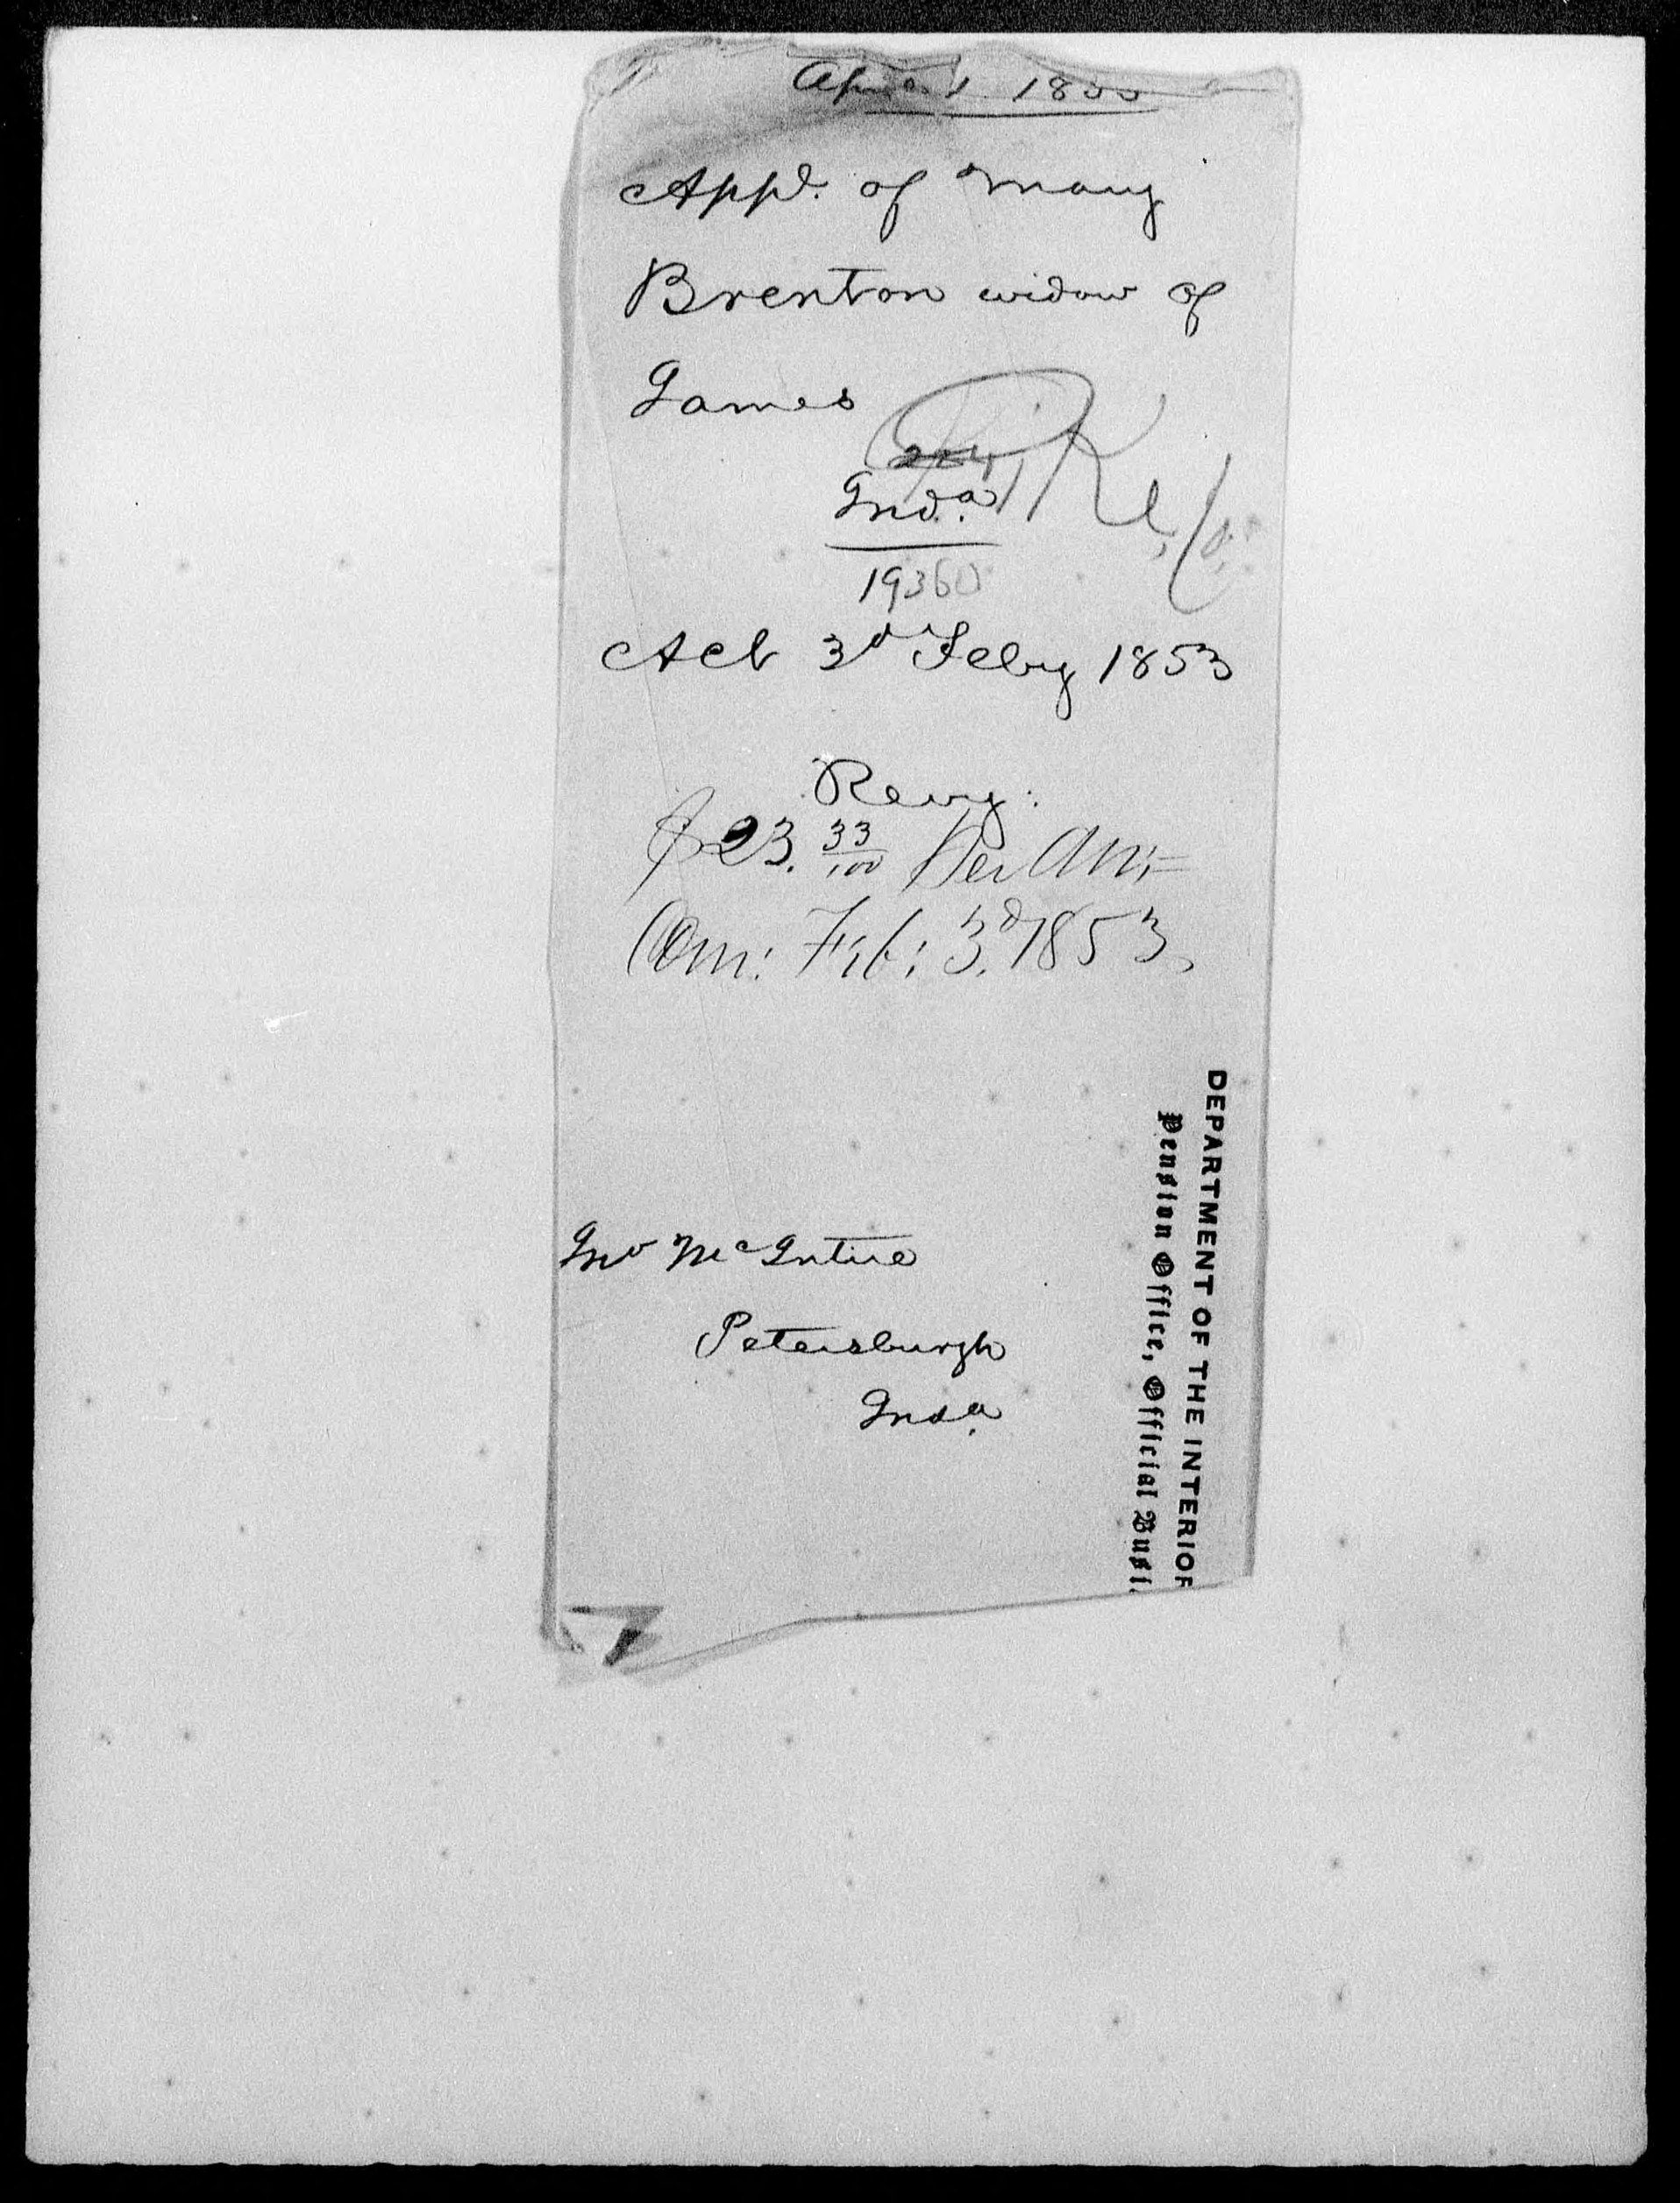Appl of Mary Brenton widow of James
OK written over other text.
Ind. 19360
Act 3rd Feby 1853
Revy
$23.33/100 Per Ann.
Com. Feb: 3, 1853
Jno McIntire
Petersburgh
Ind.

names: Jno Mc Intire, James Brenton, Mary Brenton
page: 37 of 49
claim: widow's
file: W. 2518, James Brenton, Va.